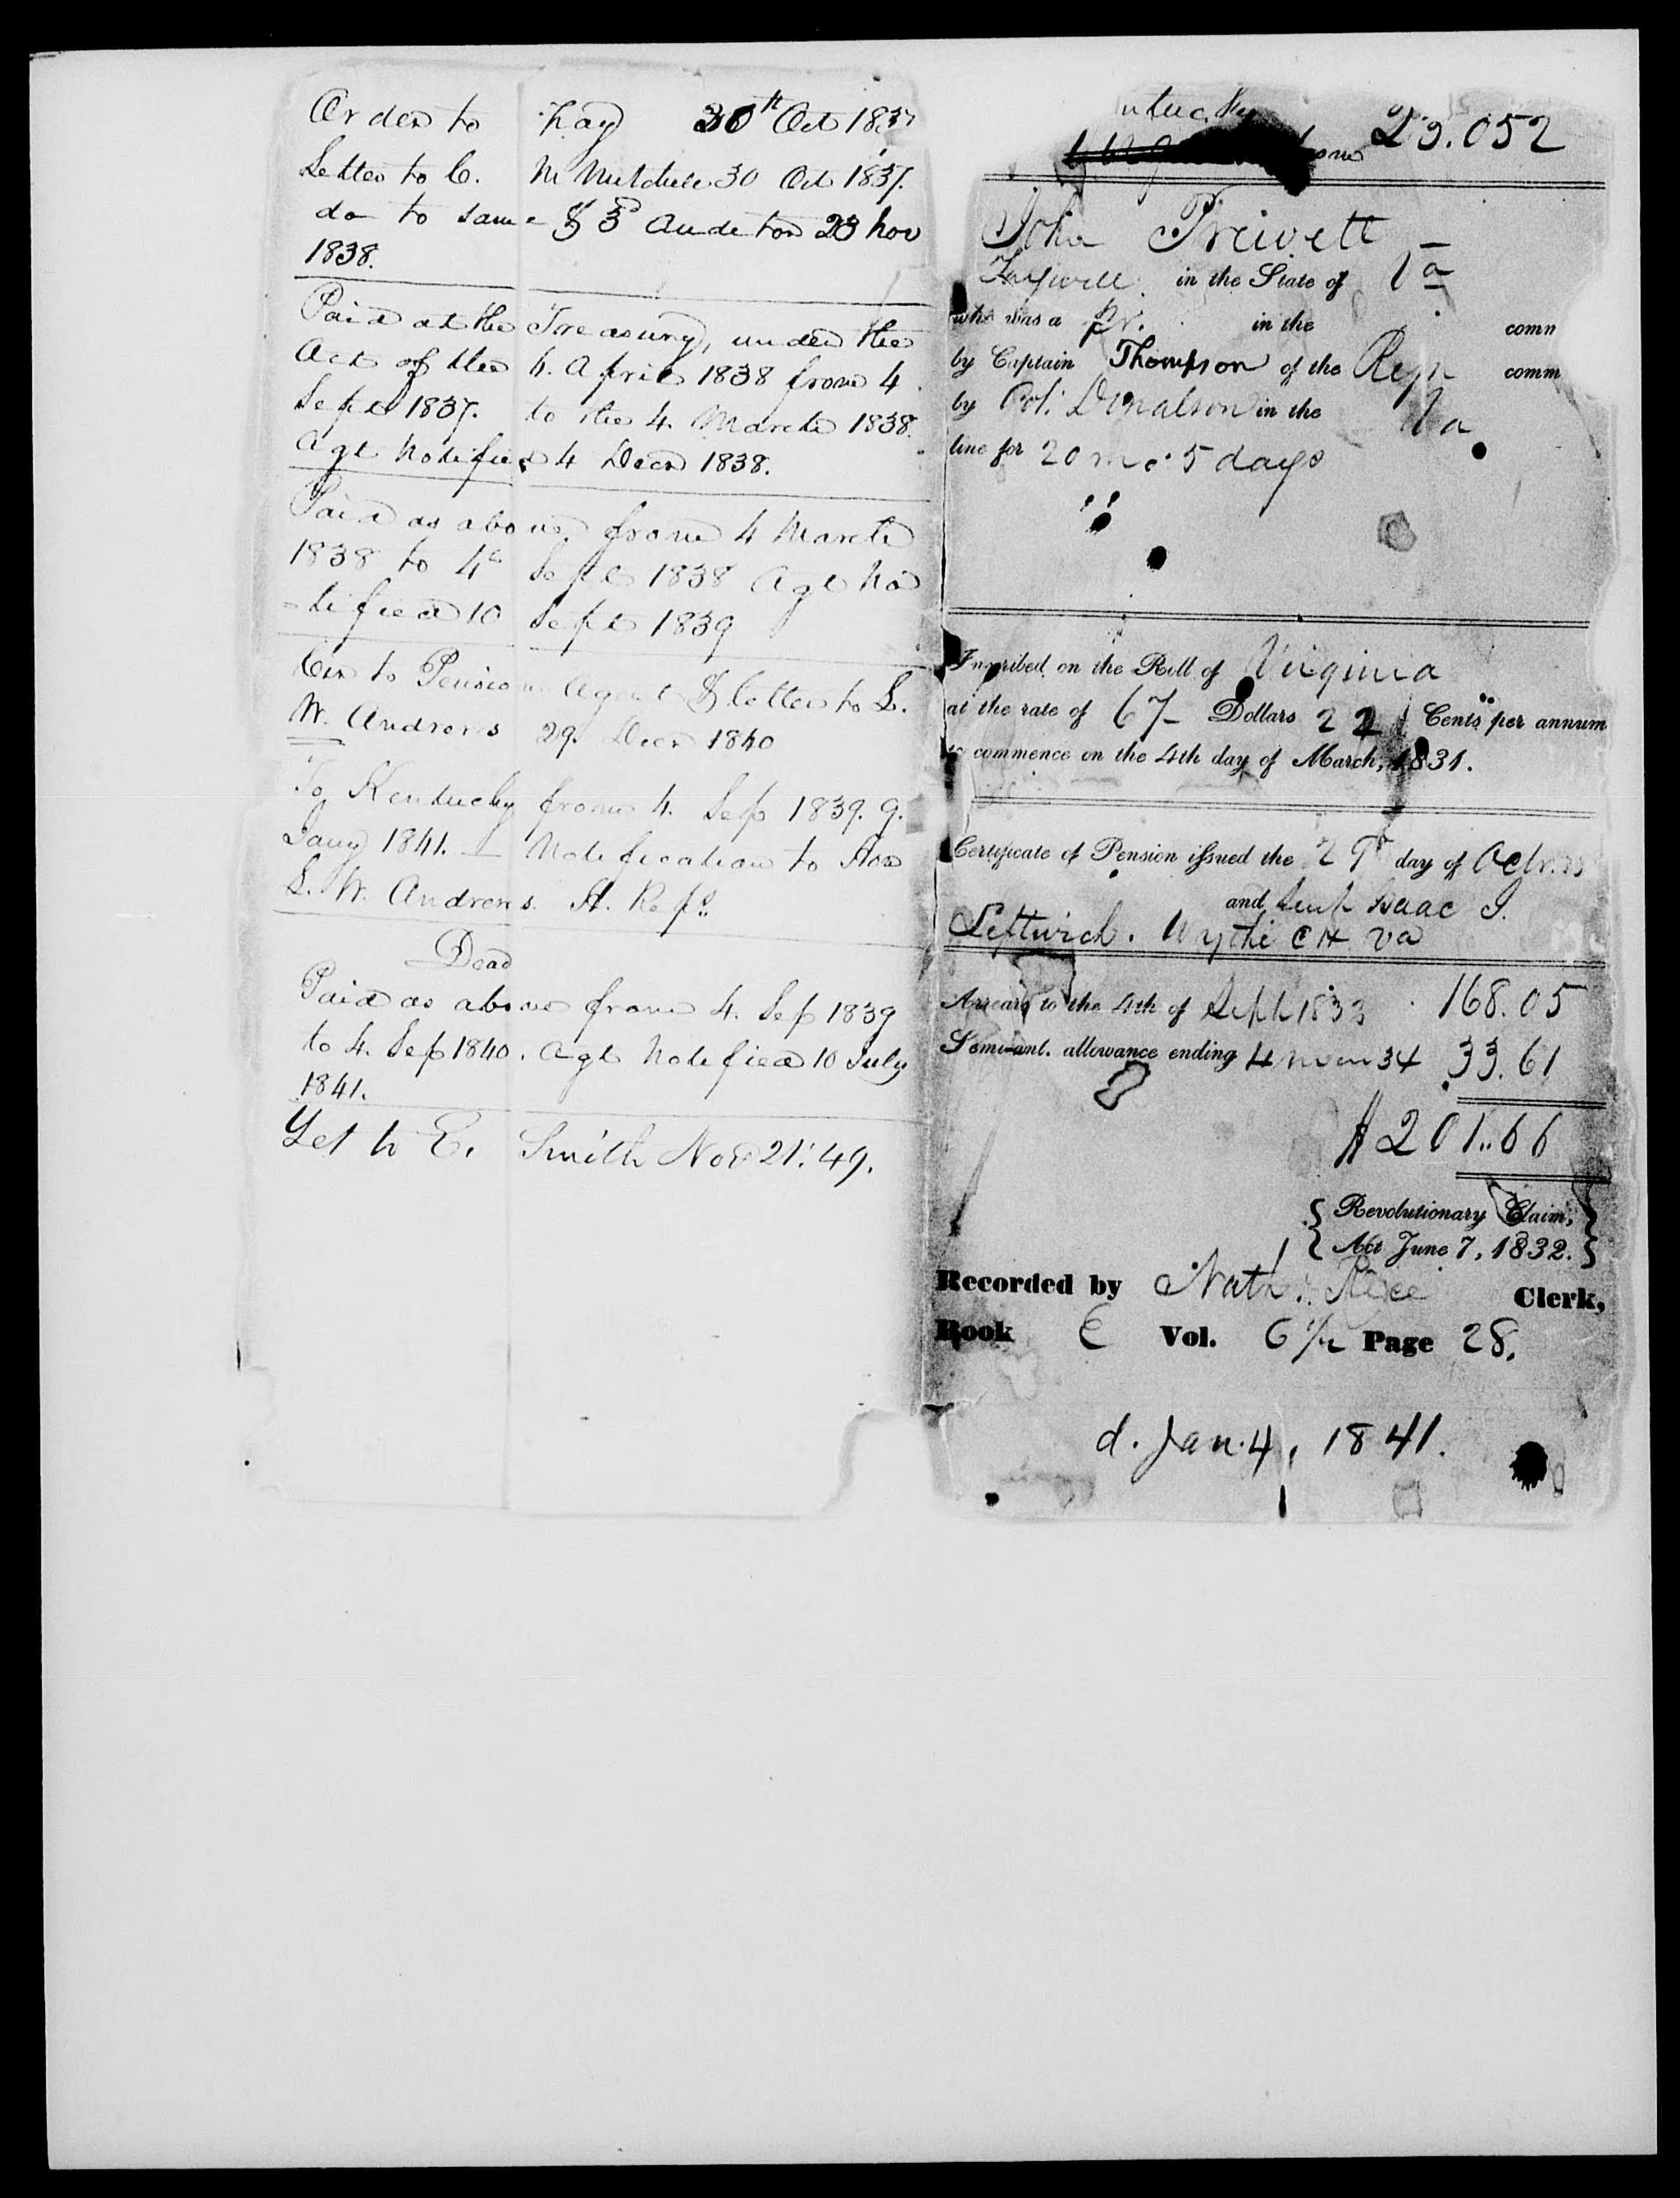Order to pay 20th Oct 1837 Setter to C. M Mitchell 30 Oct 1837.  do to same $3d Audeton 28 Nov 1838.  Paid at the Treasury, under the Act of [illegible[ April 1838 from 4 Sept 1837. to the 4 March 1838. Agt notified 4 Decr 1838.  Paid as above from 4 March 1838 to 4th Sept 1838 Agt notified 10 Sept 1839 [illegible] to Pension Agent $ letter to S. W. Andrews 29 Decr 1840 To Kentucky from 4 Sep 1839. 9. Jany 1841. Notification to Hon S. W. Andrews H. Reps" Dead Paid as above from 4. Sep 1839 to 4. Sep 1840.  Agt notified 10 July 1841.  Let to E. Smith Nov 21:49. Inscribed on the Roll of Virginia at the rate of 67 Dollars 22 Cents per annum to commence on the 4th day of March, 1831.  Certificate of Pension issued the 29 day of Octr.  33and Sent Isaac J. Leftwich. Mrytle CH Va Arrears to the 4th of Sept 1833 168.05 Semi-anl. allowance ending 4 Mar 34 33.61 $201.66 {Revolutionary Claim, Act June 7, 1832.}  Recorded by Nath. Rice Clerk, Book E Vol. 6 1/2 Page 28. d. Jan. 4,1841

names: L W Andrews; [BLANK] Thompson; C M Mitchell; John Priwett; E Smith; Nath Rice; [BLANK] Donalson; Isaac J Leftwich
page: 2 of 35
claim: survivor's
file: S. 30,665, for John Prewett, Virginia